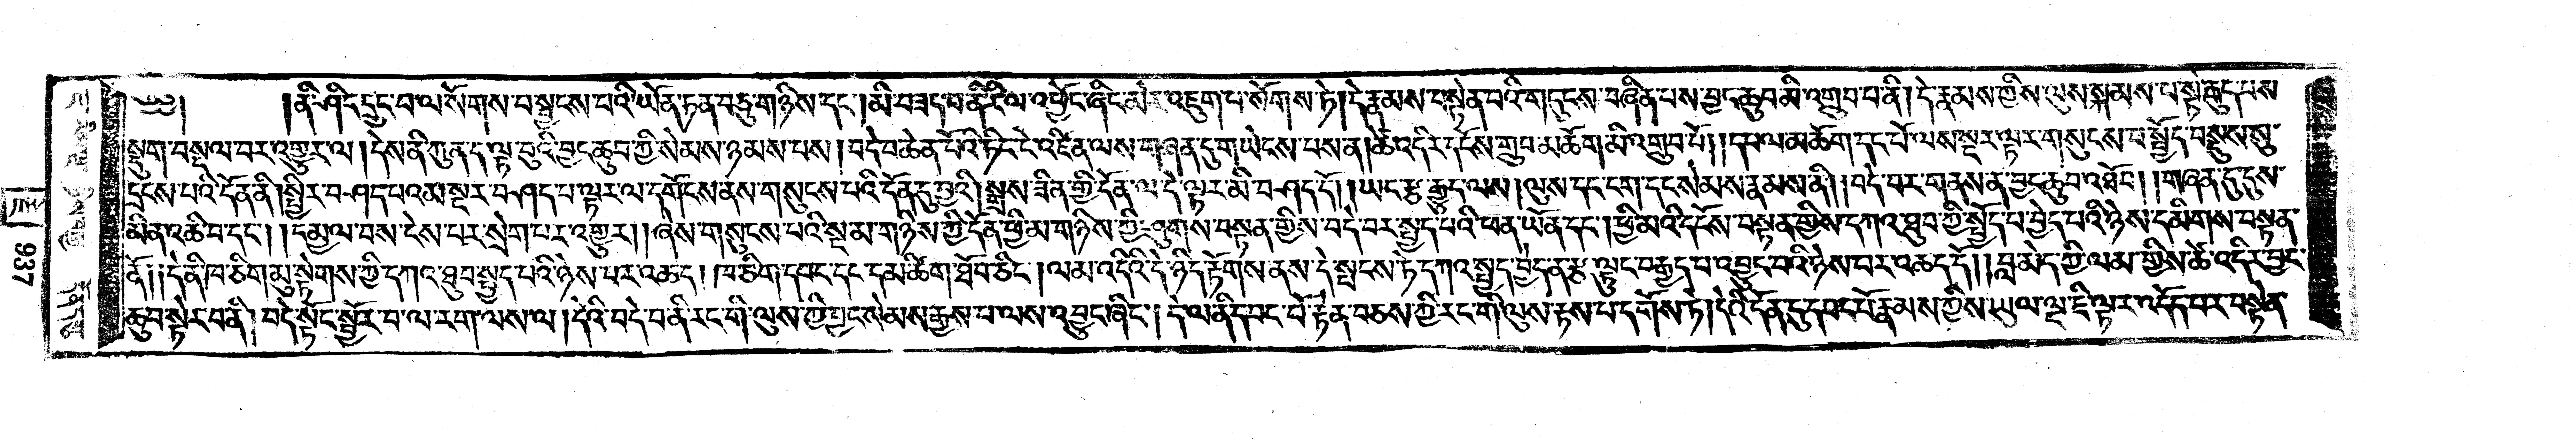༄༅། །ནི་ཤིང་དྲུང་པ་ལ་སོགས་པ་སྦྱངས་པའི་ཡོན་ཏན་བཅུ་གཉིས་དང་། མི་བཟད་པ་ནི་རི་ལ་འཕྱོང་ཞིང་མེར་འཇུག་པ་སོགས་ཏེ། དེ་རྣམས་བསྟེན་པའི་གདུངས་བཞིན་པས་བྱང་ཆུབ་མི་འགྲུབ་པ་ནི། དེ་རྣམས་ཀྱིས་ལུས་སྐམས་པ་སྟེ་རྒུད་པས་
སྡུག་བསྔལ་བར་འགྱུར་ལ། དེས་ནི་ཀུན་ད་ལྟ་བུའི་བྱང་ཆུབ་ཀྱི་སེམས་ཉམས་པས། བདེ་བ་ཆེན་པོའི་ཏིང་ངེ་འཛིན་ལས་གཞན་དུ་གཡེངས་པས་ན། ཚེ་འདིར་དངོས་གྲུབ་མཆོག་མི་འགྲུབ་བོ། །དཔལ་མཆོག་དང་པོ་ལས་སྔར་ལྟར་གསུངས་པ་སྤྱོད་བསྡུས་སུ་
དྲངས་པའི་དོན་ནི། སྤྱིར་བཤད་པའམ་སྔར་བཤད་པ་ལྟར་ལ་དགོངས་ནས་གསུངས་པའི་དོན་དུ་བྱའི། སྒྲས་ཟིན་གྱི་དོན་ལ་དེ་ལྟར་མི་བཤད་དོ། །ཡང་རྩ་རྒྱུད་ལས། ལུས་དང་ངག་དང་སེམས་རྣམས་ནི། །བདེ་བར་གནས་ན་བྱང་ཆུབ་འཐོབ། །གཞན་དུ་དུས་
མིན་འཆི་བ་དང་། །དམྱལ་བས་ངེས་པར་སྲེག་པར་འགྱུར། །ཞེས་གསུངས་པའི་སྔ་མ་གཉིས་ཀྱི་དོན་ཕྱི་མ་གཉིས་ཀྱི་ཤུགས་བསྟན་གྱིས་བདེ་བར་སྤྱད་པའི་ཕན་ཡོན་དང་། ཕྱི་མའི་དངོས་བསྟན་གྱིས་དཀའ་ཐུབ་ཀྱི་སྤྱོད་པ་བྱེད་པའི་ཉེས་དམིགས་བསྟན་
ནོ། །དེ་ནི་ཁ་ཅིག་མུ་སྟེགས་ཀྱི་དཀའ་ཐུབ་སྤྱད་པའི་ཉེས་པར་འཆད། ཁ་ཅིག་དབང་དང་དམ་ཚིག་ཐོབ་ཅིང་། ལམ་འདིའི་དེ་ཉིད་རྟོགས་ནས་དེ་སྤངས་ཏེ་དཀའ་སྤྱད་བྱེད་ན་རྩ་ལྟུང་བརྒྱད་པ་འབྱུང་བའི་ཉེས་པར་འཆད་དོ། །བླ་མེད་ཀྱི་ལམ་གྱིས་ཚེ་འདིར་བྱང་
ཆུབ་སྟེར་བ་ནི། བདེ་སྟོང་སྦྱོར་བ་ལ་རག་ལས་ལ། དེའི་བདེ་བ་ནི་རང་གི་ལུས་ཀྱི་བྱང་སེམས་རྒྱས་པ་ལས་འབྱུང་ཞིང་། དེ་ལ་ནི་དབང་པོ་རྟེན་བཅས་ཀྱི་རང་གི་ལུས་རྟས་པ་དགོས་ཏེ། དེའི་དོན་དུ་དབང་པོ་རྣམས་ཀྱིས་ཡུལ་ལྔ་ཇི་ལྟར་འདོད་པར་བསྟེན་